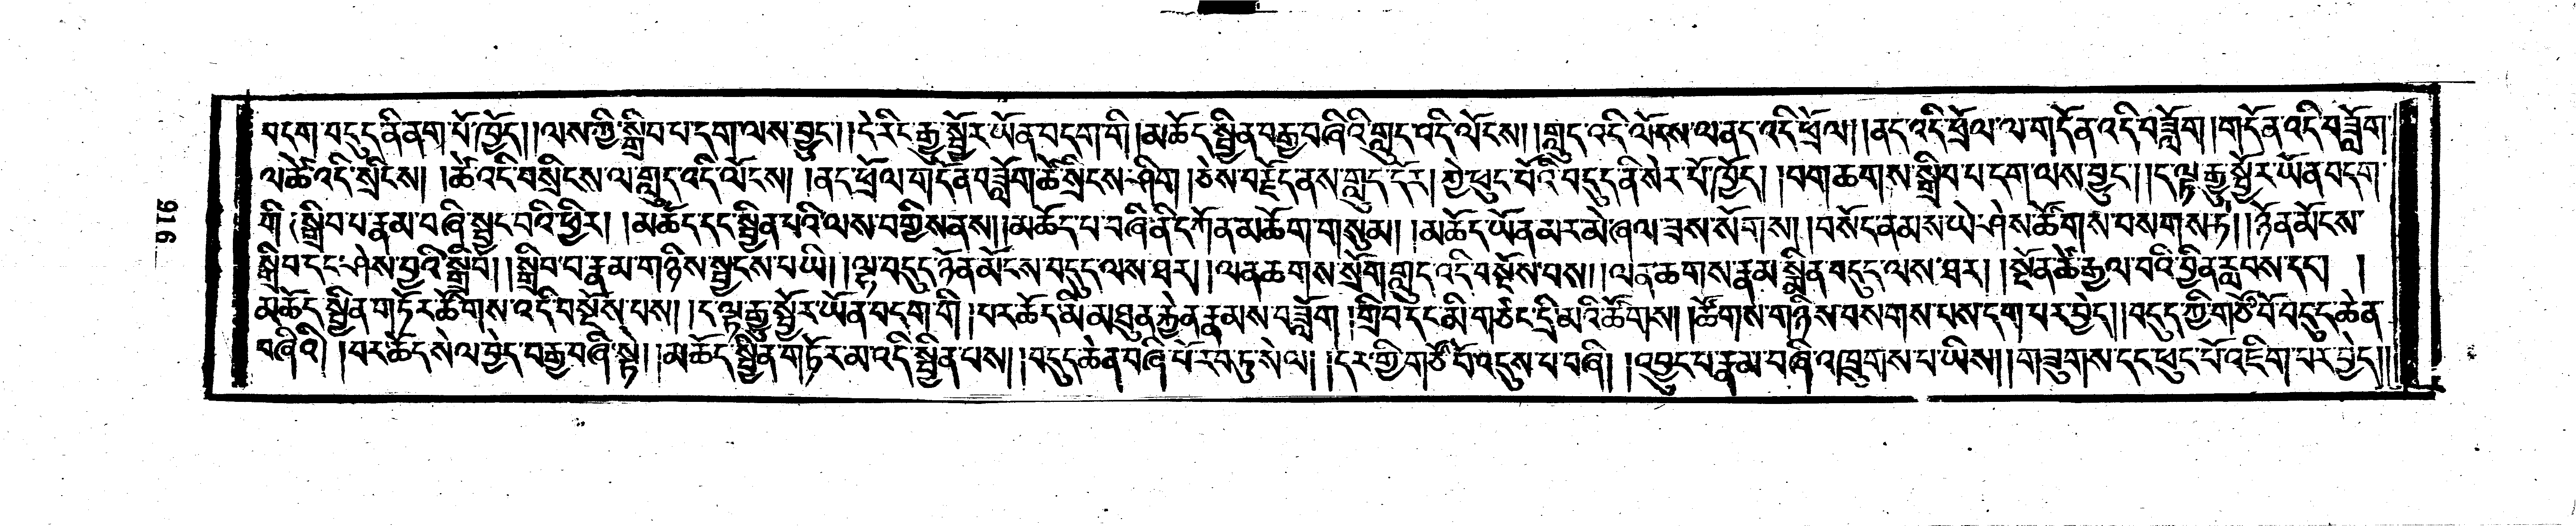བདག་བདུད་ནི་ནག་པོ་ཁྱོད། །ལས་ཀྱི་སྒྲིབ་པ་དག་ལས་བྱུང་། །དེ་རིང་རྒྱུ་སྦྱོར་ཡོན་བདག་གི །མཆོད་སྦྱིན་བརྒྱ་བཞིའི་གླུད་འདི་ལོངས། །གླུད་འདི་ལོངས་ལ་ནད་འདི་ཕྲོལ། །ནད་འདི་ཕྲོལ་ལ་གདོན་འདི་བཟློག །གདོན་འདི་བཟློག་
ལ་ཚེ་འདི་སྲིངས། །ཚེ་འདི་བསྲིངས་ལ་གླུད་འདི་ལོངས། །ནད་ཕྲོལ་གདོན་བཟློག་ཚེ་སྲིངས་ཤིག །ཅེས་བརྗོད་ནས་གླུད་དོར། ཀྱེ་ཕུང་པོའི་བདུད་ནི་སེར་པོ་ཁྱོད། །བག་ཆགས་སྒྲིབ་པ་དག་ལས་བྱུང་། །ད་ལྟ་རྒྱུ་སྦྱོར་ཡོན་བདག་
གི །སྒྲིབ་པ་རྣམ་བཞི་སྦྱང་བའི་ཕྱིར། །མཆོད་དང་སྦྱིན་པའི་ལས་བགྱིས་ནས། །མཆོད་པ་བཞི་ནི་དཀོན་མཆོག་གསུམ། །མཆོད་ཡོན་མར་མེ་ཞལ་ཟས་སོགས། །བསོད་ནམས་ཡེ་ཤེས་ཚོགས་བསགས་ཏེ། །ཉོན་མོངས་
སྒྲིབ་དང་ཤེས་བྱའི་སྒྲིབ། །སྒྲིབ་པ་རྣམ་གཉིས་སྦྱངས་པ་ཡི། །ལྷ་བདུད་ཉོན་མོངས་བདུད་ལས་ཐར། །ལན་ཆགས་སྲོག་གླུད་འདི་བསྔོས་པས། །ལན་ཆགས་རྣམ་སྨིན་བདུད་ལས་ཐར། །སྔོན་ཚེ་རྒྱལ་བའི་བྱིན་རླབས་དང་། །
མཆོད་སྦྱིན་གཏོར་ཚོགས་འདི་བསྔོས་པས། །ད་ལྟ་རྒྱུ་སྦྱོར་ཡོན་བདག་གི །བར་ཆོད་མི་མཐུན་རྐྱེན་རྣམས་བཟློག །གྲིབ་དང་མི་གཙང་དྲི་མའི་ཚོགས། །ཚོགས་གཉིས་བསགས་པས་དག་པར་བྱེད། །བདུད་ཀྱི་གཙོ་བོ་བདུད་ཆེན་
བཞིའི། །བར་ཆོད་སེལ་བྱེད་བརྒྱ་བཞི་སྟེ། །མཆོད་སྦྱིན་གཏོར་མ་འདི་སྦྱིན་པས། །བདུད་ཆེན་བཞི་པོ་རབ་ཏུ་སེལ། །དར་གྱི་གཙོ་བོ་འདུས་པ་བཞི། །འབྱུང་བ་རྣམ་བཞི་འཁྲུགས་པ་ཡིས། །གཟུགས་དང་ཕུང་པོ་འཇིག་པར་བྱེད། །